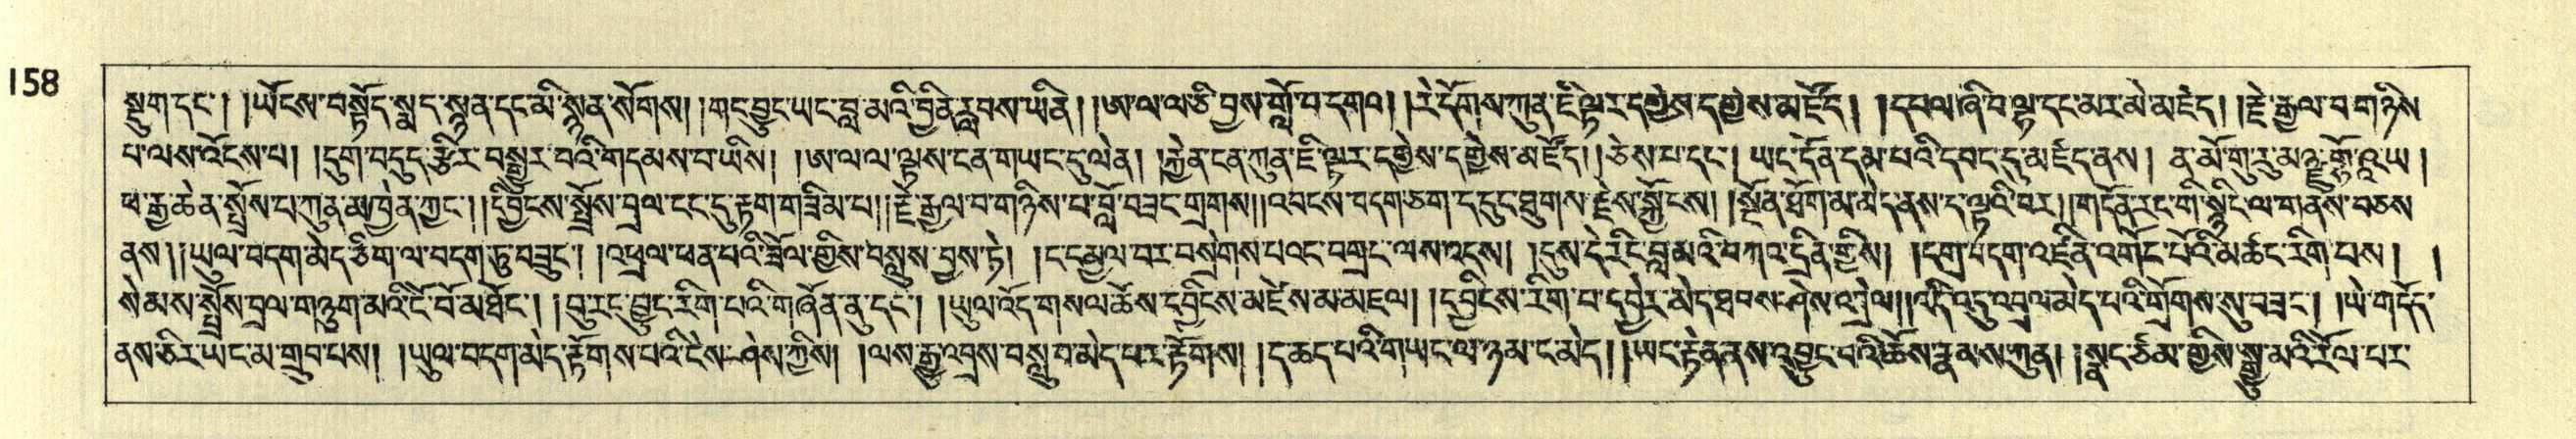སྡུག་དང་། །ཡོངས་བསྟོད་སྨད་སྙན་དང་མི་སྙན་སོགས། །གང་བྱུང་ཡང་བླ་མའི་བྱིན་རླབས་ཡིན། །ཨ་ལ་ལ་ཅི་བྱས་གློ་བ་དགའ། །རེ་དོགས་ཀུན་ཇི་ལྟར་དགྱེས་དགྱེས་མཛོད། །དཔལ་ཞི་བ་ལྷ་དང་མར་མེ་མཛད། །རྗེ་རྒྱལ་བ་གཉིས་
པ་ལས་འོངས་པ། །དུག་བདུད་རྩིར་བསྒྱུར་བའི་གདམས་པ་ཡིས། །ཨ་ལ་ལ་ལྟས་ངན་གཡང་དུ་ལེན། །རྐྱེན་ངན་ཀུན་ཇི་ལྟར་དགྱེས་དགྱེས་མཛོད། །ཅེས་པ་དང་། ཡང་དོན་དམ་པའི་དབང་དུ་མཛད་ནས། ན་མོ་གུ་རུ་མཉྫུ་གྷོ་ཥཱ་ཡ།
ཕ་རྒྱ་ཆེན་སྤྲོས་པ་ཀུན་མཁྱེན་ཀྱང་། །དབྱིངས་སྤྲོས་བྲལ་ངང་དུ་རྟག་གཟིམ་པ། །རྗེ་རྒྱལ་བ་གཉིས་པ་བློ་བཟང་གྲགས། །འབངས་བདག་ཅག་ད་དུང་ཐུགས་རྗེས་སྐྱོངས། །སྔོན་ཐོག་མ་མེད་ནས་ད་ལྟའི་བར། །གདོན་རང་གི་སྙིང་ལ་གནས་བཅས་
ནས། །ཡུལ་བདག་མེད་ཅིག་ལ་བདག་ཏུ་བཟུང་། །འཕྲལ་ཕན་པའི་ཟོལ་གྱིས་བསླུས་བྱས་ཏེ། །ང་དམྱལ་བར་བསྲེགས་པའང་བགྲང་ལས་འདས། །དུས་དེ་རིང་བླ་མའི་བཀའ་དྲིན་གྱིས། །དགྲ་བདག་འཛིན་འགོང་པོའི་མཚང་རིག་པས། །
སེམས་སྤྲོས་བྲལ་གཉུག་མའི་ངོ་བོ་མཐོང་། །བུ་རང་བྱུང་རིག་པའི་གཞོན་ནུ་དང་། །ཡུལ་འོད་གསལ་ཆོས་དབྱིངས་མཛེས་མ་མཇལ། །དབྱིངས་རིག་པ་དབྱེར་མེད་ཐབས་ཤེས་འབྲེལ། །འདི་འདུ་འབྲལ་མེད་པའི་གྲོགས་སུ་བཟང་། །ཡེ་གདོད་
ནས་ཅིར་ཡང་མ་གྲུབ་པས། །ཡུལ་བདག་མེད་རྟོགས་པའི་ངེས་ཤེས་ཀྱིས། །ལས་རྒྱུ་འབྲས་བསླུབ་མེད་པར་རྟོགས། །ད་ཆད་པའི་གཡང་ལ་ཉམ་ང་མེད། །ཡང་རྟེན་ནས་འབྱུང་བའི་ཆོས་རྣམས་ཀུན། །སྣང་ཙམ་གྱིས་སྒྱུ་མའི་རོལ་པར་